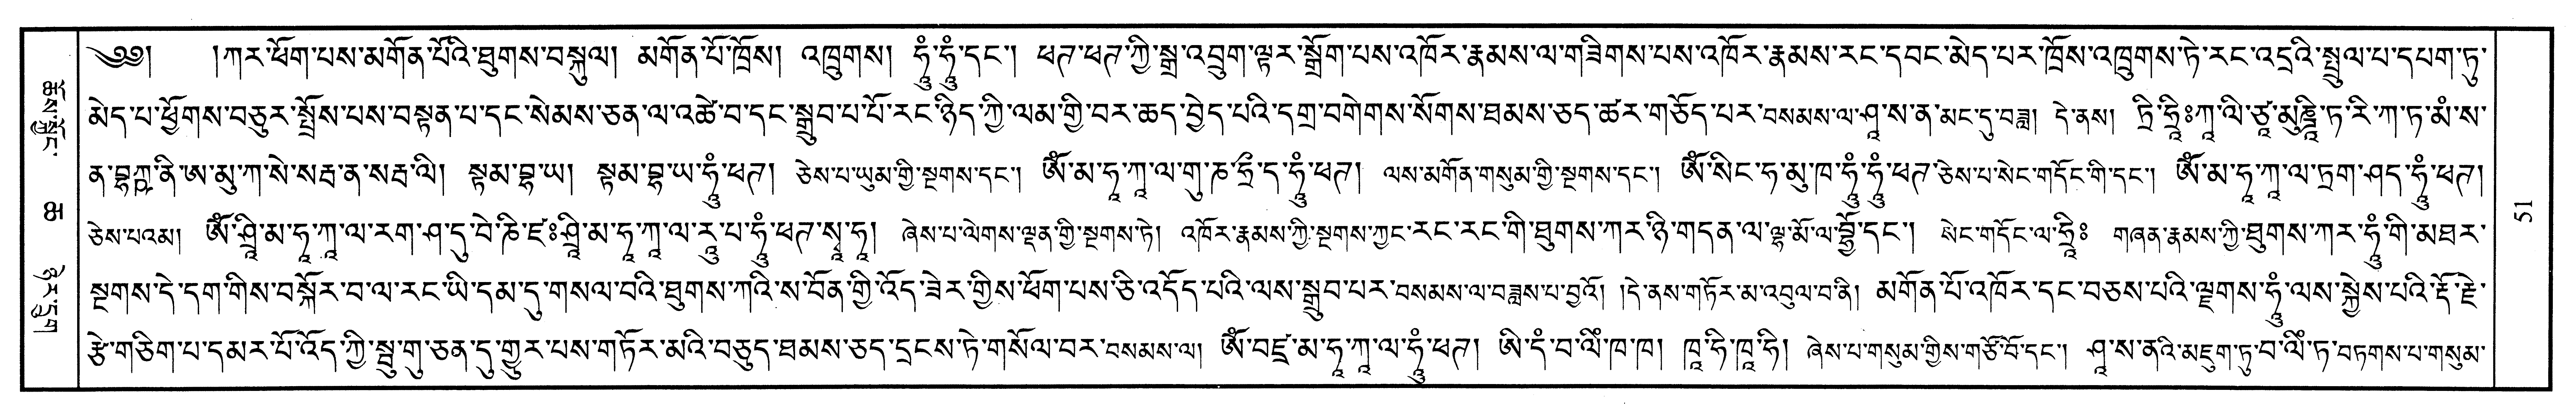༄༅། །ཀར་ཕོག་པས་མགོན་པོའི་ཐུགས་བསྐུལ། མགོན་པོ་ཁྲོས། འཁྲུགས། ཧཱུཾ་ཧཱུཾ་དང་། ཕཊ་ཕཊ་ཀྱི་སྒྲ་འབྲུག་ལྟར་སྒྲོག་པས་འཁོར་རྣམས་ལ་གཟིགས་པས་འཁོར་རྣམས་རང་དབང་མེད་པར་ཁྲོས་འཁྲུགས་ཏེ་རང་འདྲའི་སྤྲུལ་པ་དཔག་ཏུ་
མེད་པ་ཕྱོགས་བཅུར་སྤྲོས་པས་བསྟན་པ་དང་སེམས་ཅན་ལ་འཚེ་བ་དང་སྒྲུབ་པ་པོ་རང་ཉིད་ཀྱི་ལམ་གྱི་བར་ཆད་བྱེད་པའི་དགྲ་བགེགས་སོགས་ཐམས་ཅད་ཚར་གཅོད་པར་བསམས་ལ་ཤཱ་ས་ན་མང་དུ་བཟླ། དེ་ནས། ཏྲི་ཧྲཱིཿ ཀཱ་ལི་ཙཱ་མུཎྜཱི་ཏ་རི་ཀ་ཏ་མཾ་ས་
ན་བྷཀྵ་ནི་ཨ་མུ་ཀ་སེ་སརྦ་ན་སརྦ་ལི། སྟམ་བྷ་ཡ། སྟམ་བྷ་ཡ་ཧཱུཾ་ཕཊ། ཅེས་པ་ཡུམ་གྱི་སྔགས་དང་། ཨོཾ་མ་ཧཱ་ཀཱ་ལ་གུ་ཎཱ་ཧྲྀ་ད་ཧཱུཾ་ཕཊ། ལས་མགོན་གསུམ་གྱི་སྔགས་དང་། ཨོཾ་སིང་ཧ་མུ་ཁ་ཧཱུཾ་ཧཱུཾ་ཕཊ་ཅེས་པ་སེང་གདོང་གི་དང་། ཨོཾ་མ་ཧཱ་ཀཱ་ལ་ཏྲག་ཤད་ཧཱུཾ་ཕཊ།
ཅེས་པའམ། ཨོཾ་ཤྲཱི་མ་ཧཱ་ཀཱ་ལ་རག་ཤ་དུ་བེ་ཎི་ཛཿ ཤྲཱི་མ་ཧཱ་ཀཱ་ལ་རཱུ་པ་ཧཱུཾ་ཕཊ་སྭཱཧཱ། ཞེས་པ་ལེགས་ལྡན་གྱི་སྔགས་ཏེ། འཁོར་རྣམས་ཀྱི་སྔགས་ཀྱང་རང་རང་གི་ཐུགས་ཀར་ཉི་གདན་ལ་ལྷ་མོ་ལ་བྷྱོ་དང་། སེང་གདོང་ལ་ཧྲཱིཿ གཞན་རྣམས་ཀྱི་ཐུགས་ཀར་ཧཱུཾ་གི་མཐར་
སྔགས་དེ་དག་གིས་བསྐོར་བ་ལ་རང་ཡི་དམ་དུ་གསལ་བའི་ཐུགས་ཀའི་ས་བོན་གྱི་འོད་ཟེར་གྱིས་ཕོག་པས་ཅི་འདོད་པའི་ལས་སྒྲུབ་པར་བསམས་ལ་བཟླས་པ་བྱའོ། །དེ་ནས་གཏོར་མ་འབུལ་བ་ནི། མགོན་པོ་འཁོར་དང་བཅས་པའི་ལྗགས་ཧཱུཾ་ལས་སྐྱེས་པའི་རྡོ་རྗེ་
རྩེ་གཅིག་པ་དམར་པོ་འོད་ཀྱི་སྦུ་གུ་ཅན་དུ་གྱུར་པས་གཏོར་མའི་བཅུད་ཐམས་ཅད་དྲངས་ཏེ་གསོལ་བར་བསམས་ལ། ཨོཾ་བཛྲ་མ་ཧཱ་ཀཱ་ལ་ཧཱུཾ་ཕཊ། ཨི་དཾ་བ་ལིཾ་ཁ་ཁ། ཁཱ་ཧི་ཁཱ་ཧི། ཞེས་པ་གསུམ་གྱིས་གཙོ་བོ་དང་། ཤཱ་ས་ནའི་མཇུག་ཏུ་བ་ལིཾ་ཏ་བཏགས་པ་གསུམ་